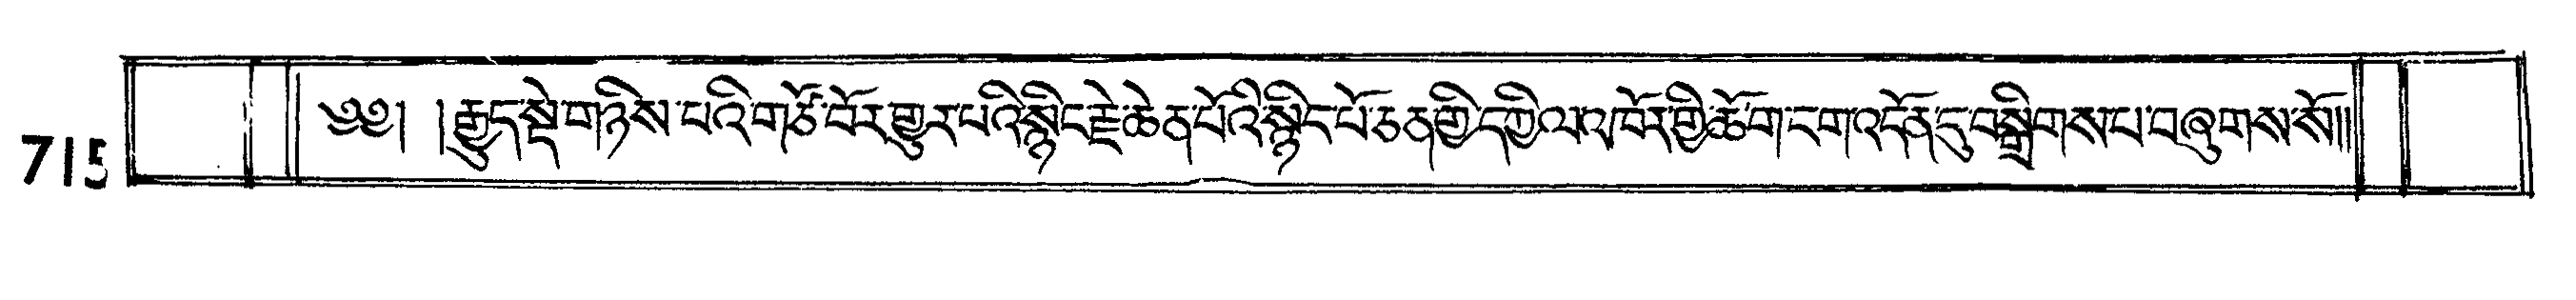༄༅། །རྒྱུད་སྡེ་གཉིས་པའི་གཙོ་བོར་གྱུར་པའི་སྙིང་རྗེ་ཆེན་པོའི་སྙིང་པོ་ཅན་གྱི་དཀྱིལ་འཁོར་གྱི་ཆོ་ག་ངག་འདོན་དུ་བསྒྲིགས་པ་བཞུགས་སོ། །